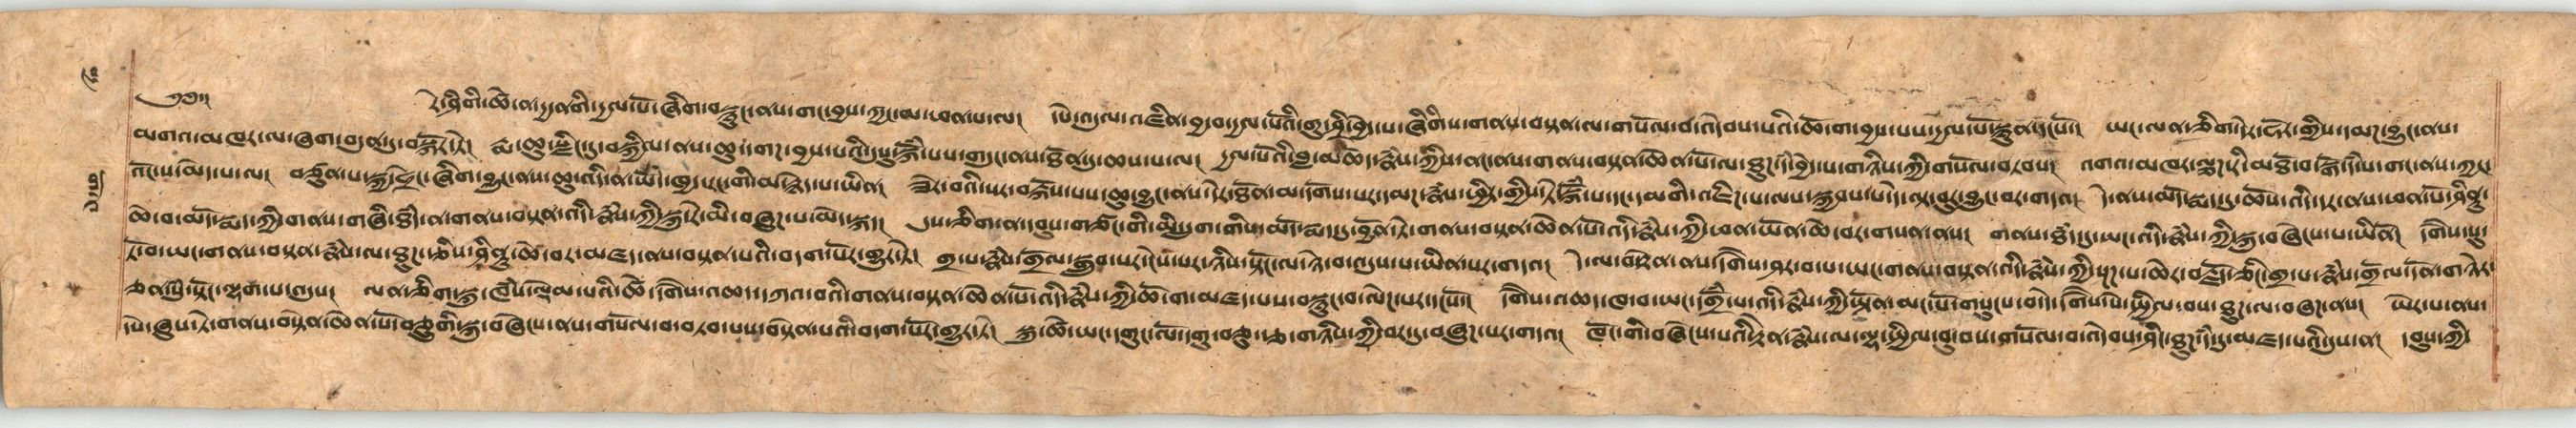རེ་ཤིགི་ཚེ་ན་དྱ་ནགི་དྱལ་པོ་ཞིག་བསྙུང་ནས་གང་བྱས་ཀྱང་མ་ཕན་པ་ལ། དཔེ་འདུལ་འཛིན་བྱ་བ་དྱལ་པོའི་གུ་ཤྲི་བྱེད་པ་ཞིགིས་གནས་བསྟན་ལ་གསོལ་བ་འདེབས་པའི་ཆོ་ག་བྱས་པས་དྱལ་པོའི་སྙུན་དངསོ། ཡང་ལན་ཅིག་དེར་ཧོར་གྱིས་དམཌ་བྱུང་ནས་
མགའ་མཁར་ལ་ཞག་བདུན་དུ་བསྐོར་ཏེ། རྨ་ཆུ་སྫིང་དུ་བསྐྱིལ་ནས་ཆུ་དགཌ་བྱས་པའི་དུསུ་སྐོཾ་པས་གདུང་ནས་ཐོན་དུ་ཆས་པ་ལ། དྱལ་པོའི་བླ་མཆོད་རྣཾས་ཀྱིས་ནང་ནས་གནས་བསྟན་ཆེན་པོ་ལ་ཐུཌ་དཾ་བྱེད་པ་གཉིས་ཀྱི་གསོལ་བཏབས། འགའ་མཁར་ལྕཌ་རི་མཐོ་བ་སྒོ་དཾ་པ་གང་ནས་ཀྱང་
འོང་ས་མེད་པ་ལ། བཙུན་པ་སྐྱ་ཧྲེང་ཞིག་བྱུང་ནས་ཆུ་འདི་ན་ཡོདེ་ཁྱེད་རང་གི་མ་རྙེད་པ་ཡིན། ཟེར་བའི་སར་བརྐོས་པས་ཆུ་བྱུང་ནས་དེར་ཐོན་མ་དགོས་པར་དམཌ་རྣཾས་ཕྱིར་གྱིས་ཏེ་སྐོཾ་པ་དང་དམགི་འཇིཌ་པ་ལས་སྐྱབས་པ་དེ་ལྟ་བུ་བྱུང་བར་གདའ། དེ་ནས་མདོ་སྨད་དུ་ཆོས་འདི་དར་ནས་ཕན་པོ་ཤིནྟུ་
ཆེ་བ་མདོ་སྨད་ཀྱི་གནས་གཞི་ཐཾད་ན་གནས་བསྟན་འདི་རྣཾས་ཀྱི་སྐུ་རེ་མི་བཞུཌ་པ་མེད་སྐད། དུས་ཅིག་ན་དབུས་གཙང་གི་མི་དྲུག་གིས་མདོ་སྨད་དུ་བྱོན་ཏེ་གནས་བསྟན་ཆེན་པོ་འདི་རྣཾས་ཀྱི་ཕན་ཡོན་ཆེ་བར་གསན་ནས། གནས་ཐཾད་དུ་ཡང་འདི་རྣཾས་ཀྱི་སྐུ་བཞེངས་པ་ཡིནོ། དགཻས་པུ
ཏོ་བ་ཡང་གནས་བསྟན་རྣཾས་ལ་ཐུཌ་རྩིས་ཤིནྟུ་ཆེ་བར་མཛད་ནས་བསྟན་པའི་བདག་པོར་གྱུར་ཏེ། གྲ་པ་རྣཾས་གྲོལ་སྒྲུབ་པར་ངེས་པ་ཉིས་སྟོང་ལ་ཉེ་བ་འདུས་པ་ཡིན་པར་གདའ། དེ་ལ་བརྟེན་ནས་དགཻས་ཤར་བ་པ་ཡང་གནས་བསྟན་འདི་རྣཾས་ཀྱི་སྔཌ་པ་ཆེར་བརྗོད་ཅིང་གྲ་པ་རྣཾས་གྲོལ་དོན་གཉེར་
ཅན་སུཾ་སྟོང་ལྷག་པ་འདུས། ལན་ཅིག་སྐུ་ཁཾས་ལྡེམ་པའི་ཚེ་དགཻས་འཆད་དཀའ་བའི་གནས་བསྟན་ཆེན་པོ་འདི་རྣཾས་ཀྱི་ཆོ་ག་མཛད་པས་བསྙུང་བ་ལེཌ་པར་དངསོ། དགཻས་འཆད་ཁ་བ་ཡང་དགྲོཾ་པ་འདི་རྣཾས་ཀྱི་ཡྟོན་མང་པོ་གསུངས་བ་དེ་དགཻས་སེ་སྤྱིལ་བས་ཐུཌ་ལ་བཞཌ་ནས། ཡེར་པ་ནས་
དཔེ་ཞུས་ཏེ་ནས་བསྟན་ཆེན་པོ་བཅྲུགི་སྐུ་བཞེངས་ནས་གསོལ་བ་བཏབ་པས་བསྟེན་པའི་བདག་པོར་གྱུར་ཏེ། སྐུ་ཚེ་ཡང་དགུང་ལོ་དགུ་བཅུ་རྩ་གཉིས་ཀྱི་བར་དུ་བཞུཌ་པར་གདའ། ཁོང་གི་བཞེངས་པའི་རྟེན་རྣཾས་ལ་ལྷ་སྤྱིལ་བུ་བས་གསོལ་བ་འདེབས་ཤིང་ཐུཌ་དཾ་དུ་མཛད་པའི་དུས་ན། དབུས་ཀྱི་